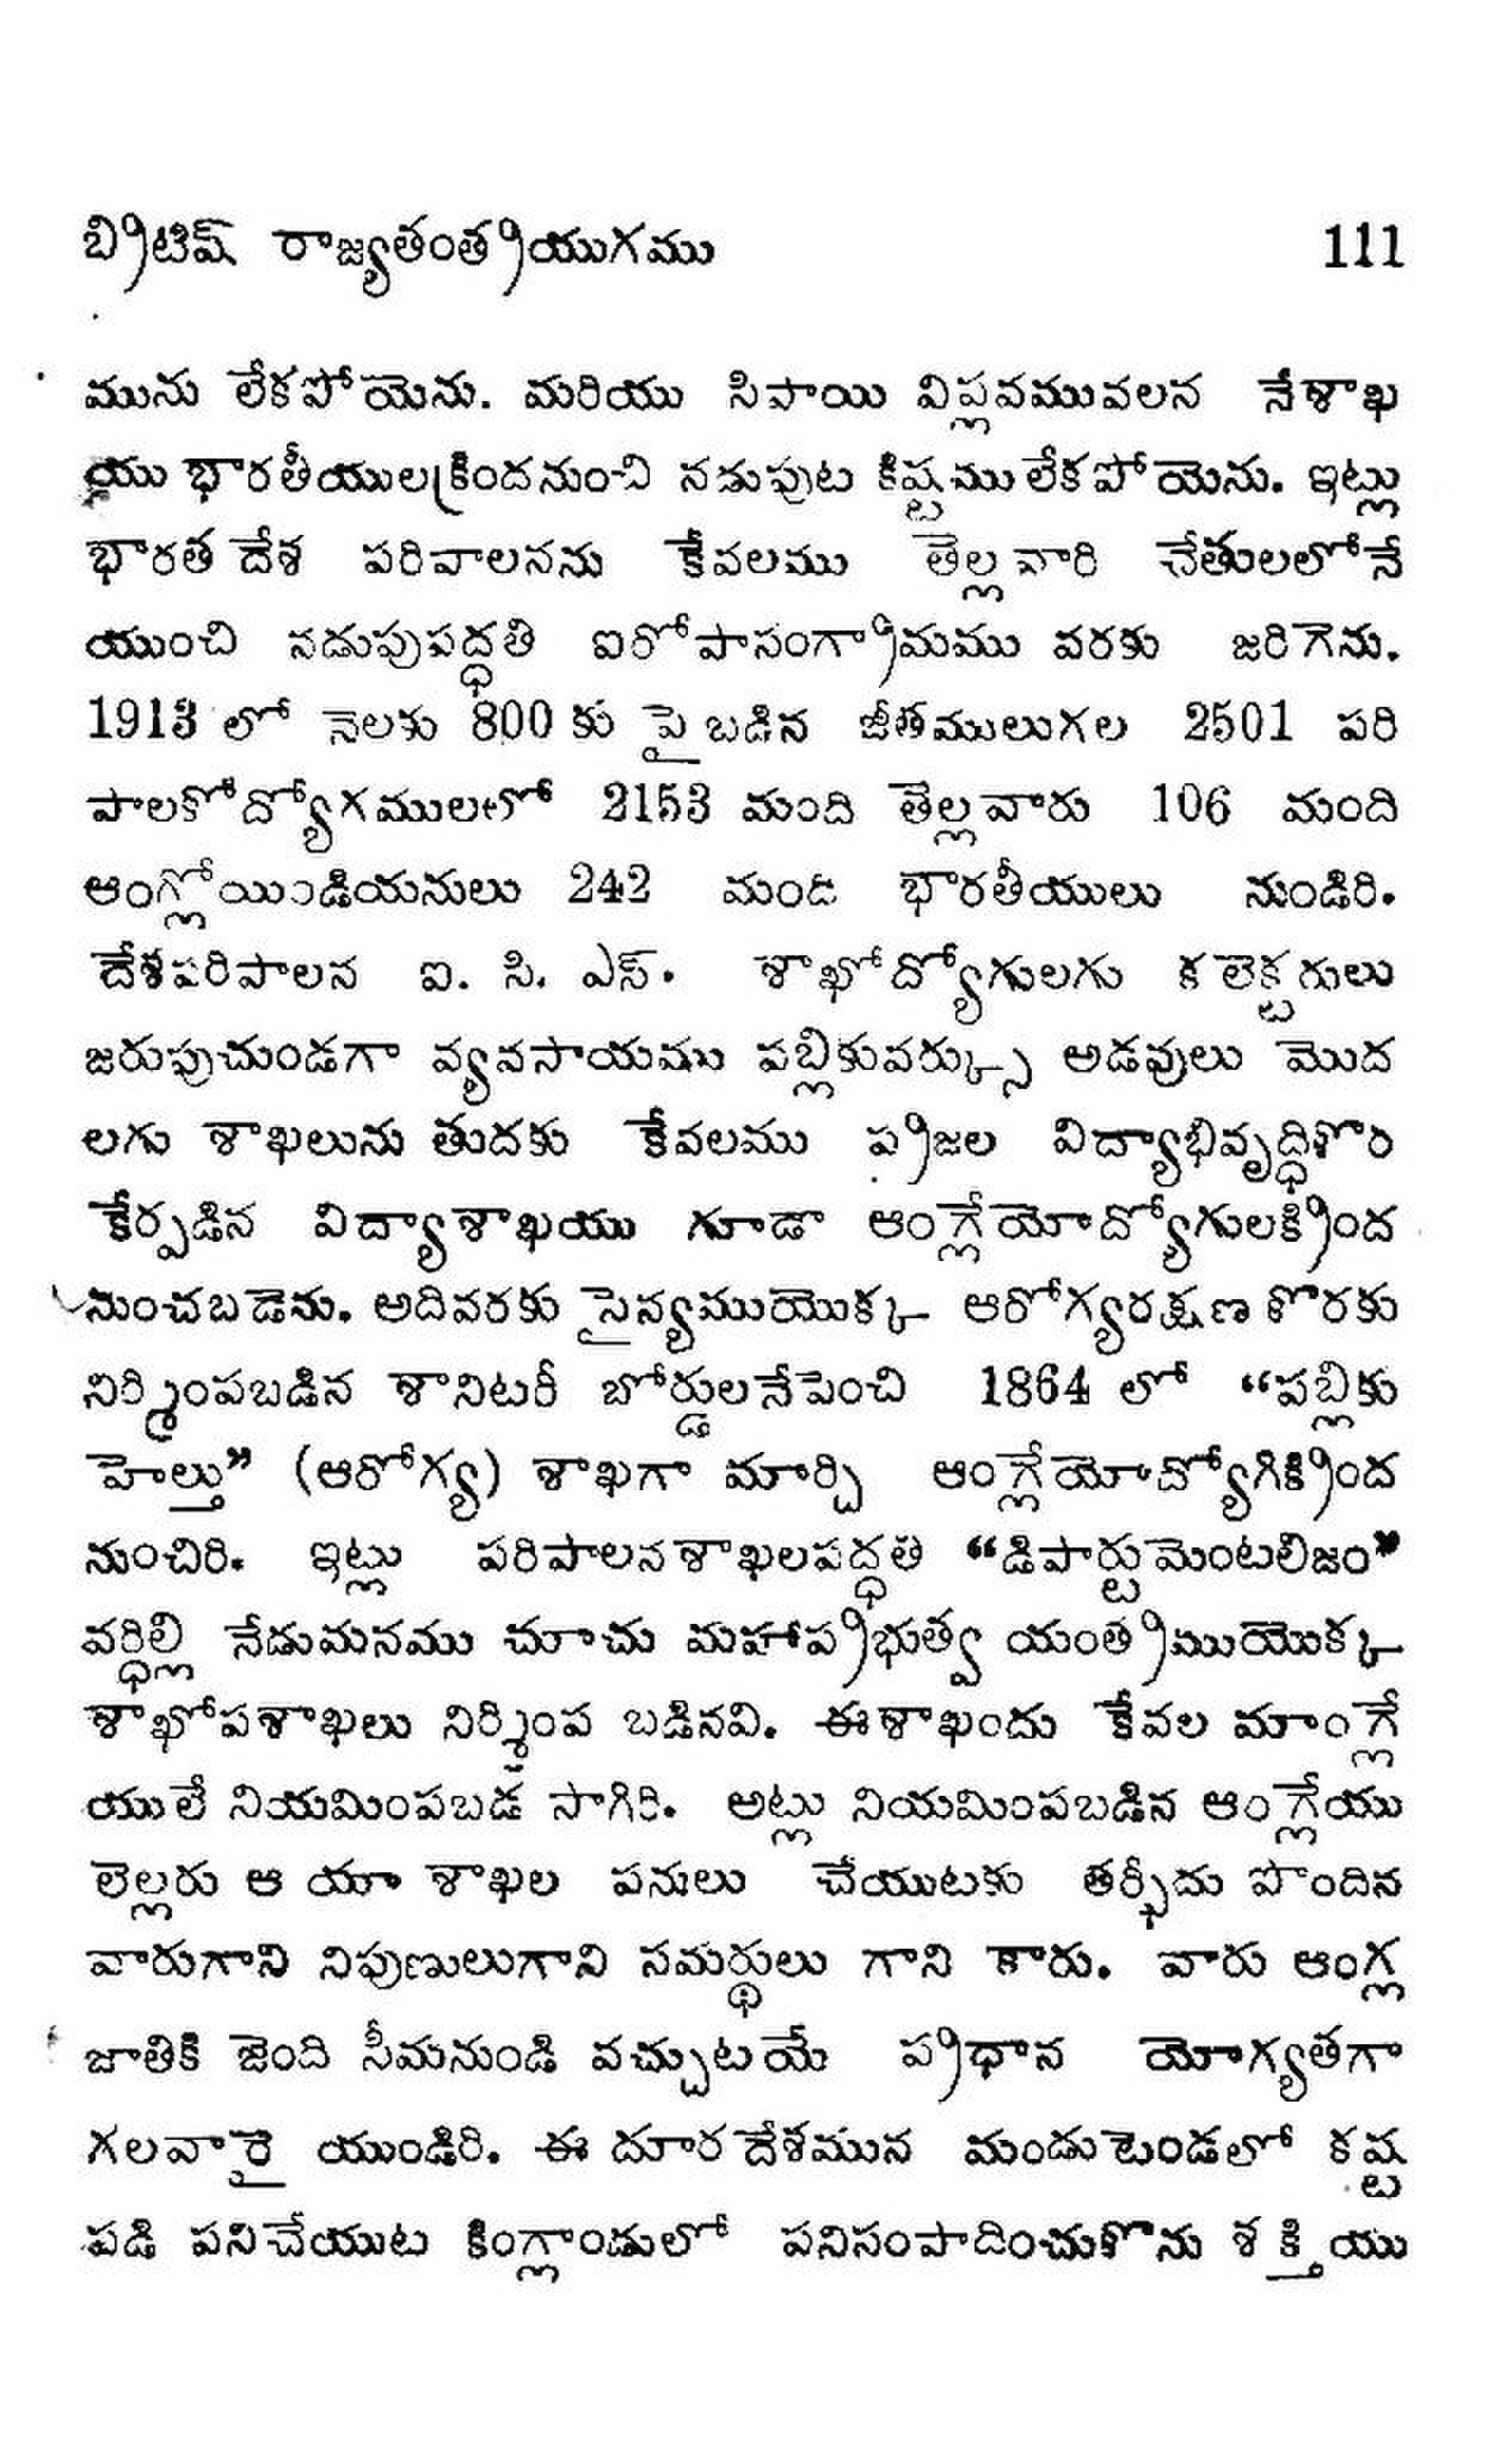మును లేకపోయెను. మరియు సిపాయి విప్లవమువలన నేశాఖయు భారతీయులక్రిందనుంచి నడుపుట కిష్టము లేక పోయెను. ఇట్లు భారతదేశ పరిపాలనను కేవలము తెల్లవారి చేతులలోనే యుంచి నడుపుపద్ధతి ఐరోపాసంగ్రామము వరకు జరిగెను. 1913 లో నెలకు 800 కు పై బడిన జీతములుగల 2501 పరిపాలకోద్యోగములలో 2153 మంది తెల్లవారు 106 మంది ఆంగ్లోయిండియనులు 242 మంది భారతీయులు నుండిరి. దేశపరిపాలన ఐ. సి. ఎస్. శాఖోద్యోగులగు కలెక్టరులు జరుపుచుండగా వ్యవసాయము పబ్లికువర్క్సు అడవులు మొదలగు శాఖలును తుదకు కేవలము ప్రజల విద్యాభివృద్ధికొర కేర్పడిన విద్యాశాఖయు గూడా ఆంగ్లేయోద్యోగులక్రింద నుంచబడెను. అదివరకు సైన్యముయొక్క ఆరోగ్యరక్షణ కొరకు నిర్మింపబడిన శానిటరీ బోర్డులనేపెంచి 1864 లో "పబ్లికు హెల్తు” (ఆరోగ్య) శాఖగా మార్చి ఆంగ్లేయోద్యోగిక్రింద నుంచిరి. ఇట్లు పరిపాలనశాఖలపద్దతి “డిపార్టుమెంటలిజం" వర్ధిల్లి నేడు మనము చూచు మహాప్రభుత్వ యంత్రముయొక్క శాఖోపశాఖలు నిర్మింప బడినవి. ఈ శాఖందు కేవల మాంగ్లేయులే నియమింపబడ సాగిరి. అట్లు నియమింపబడిన ఆంగ్లేయు లెల్లరు ఆ యా శాఖల పనులు చేయుటకు తర్ఫీదు పొందిన వారుగాని నిపుణులుగాని సమర్థులు గాని కారు. వారు ఆంగ్ల జాతికి జెంది సీమనుండి వచ్చుటయే ప్రధాన యోగ్యతగా గలవారై యుండిరి. ఈ దూరదేశమున మండుటెండలో కష్టపడి పనిచేయుట కింగ్లాండులో పనిసంపాదించుకొను శక్తియు